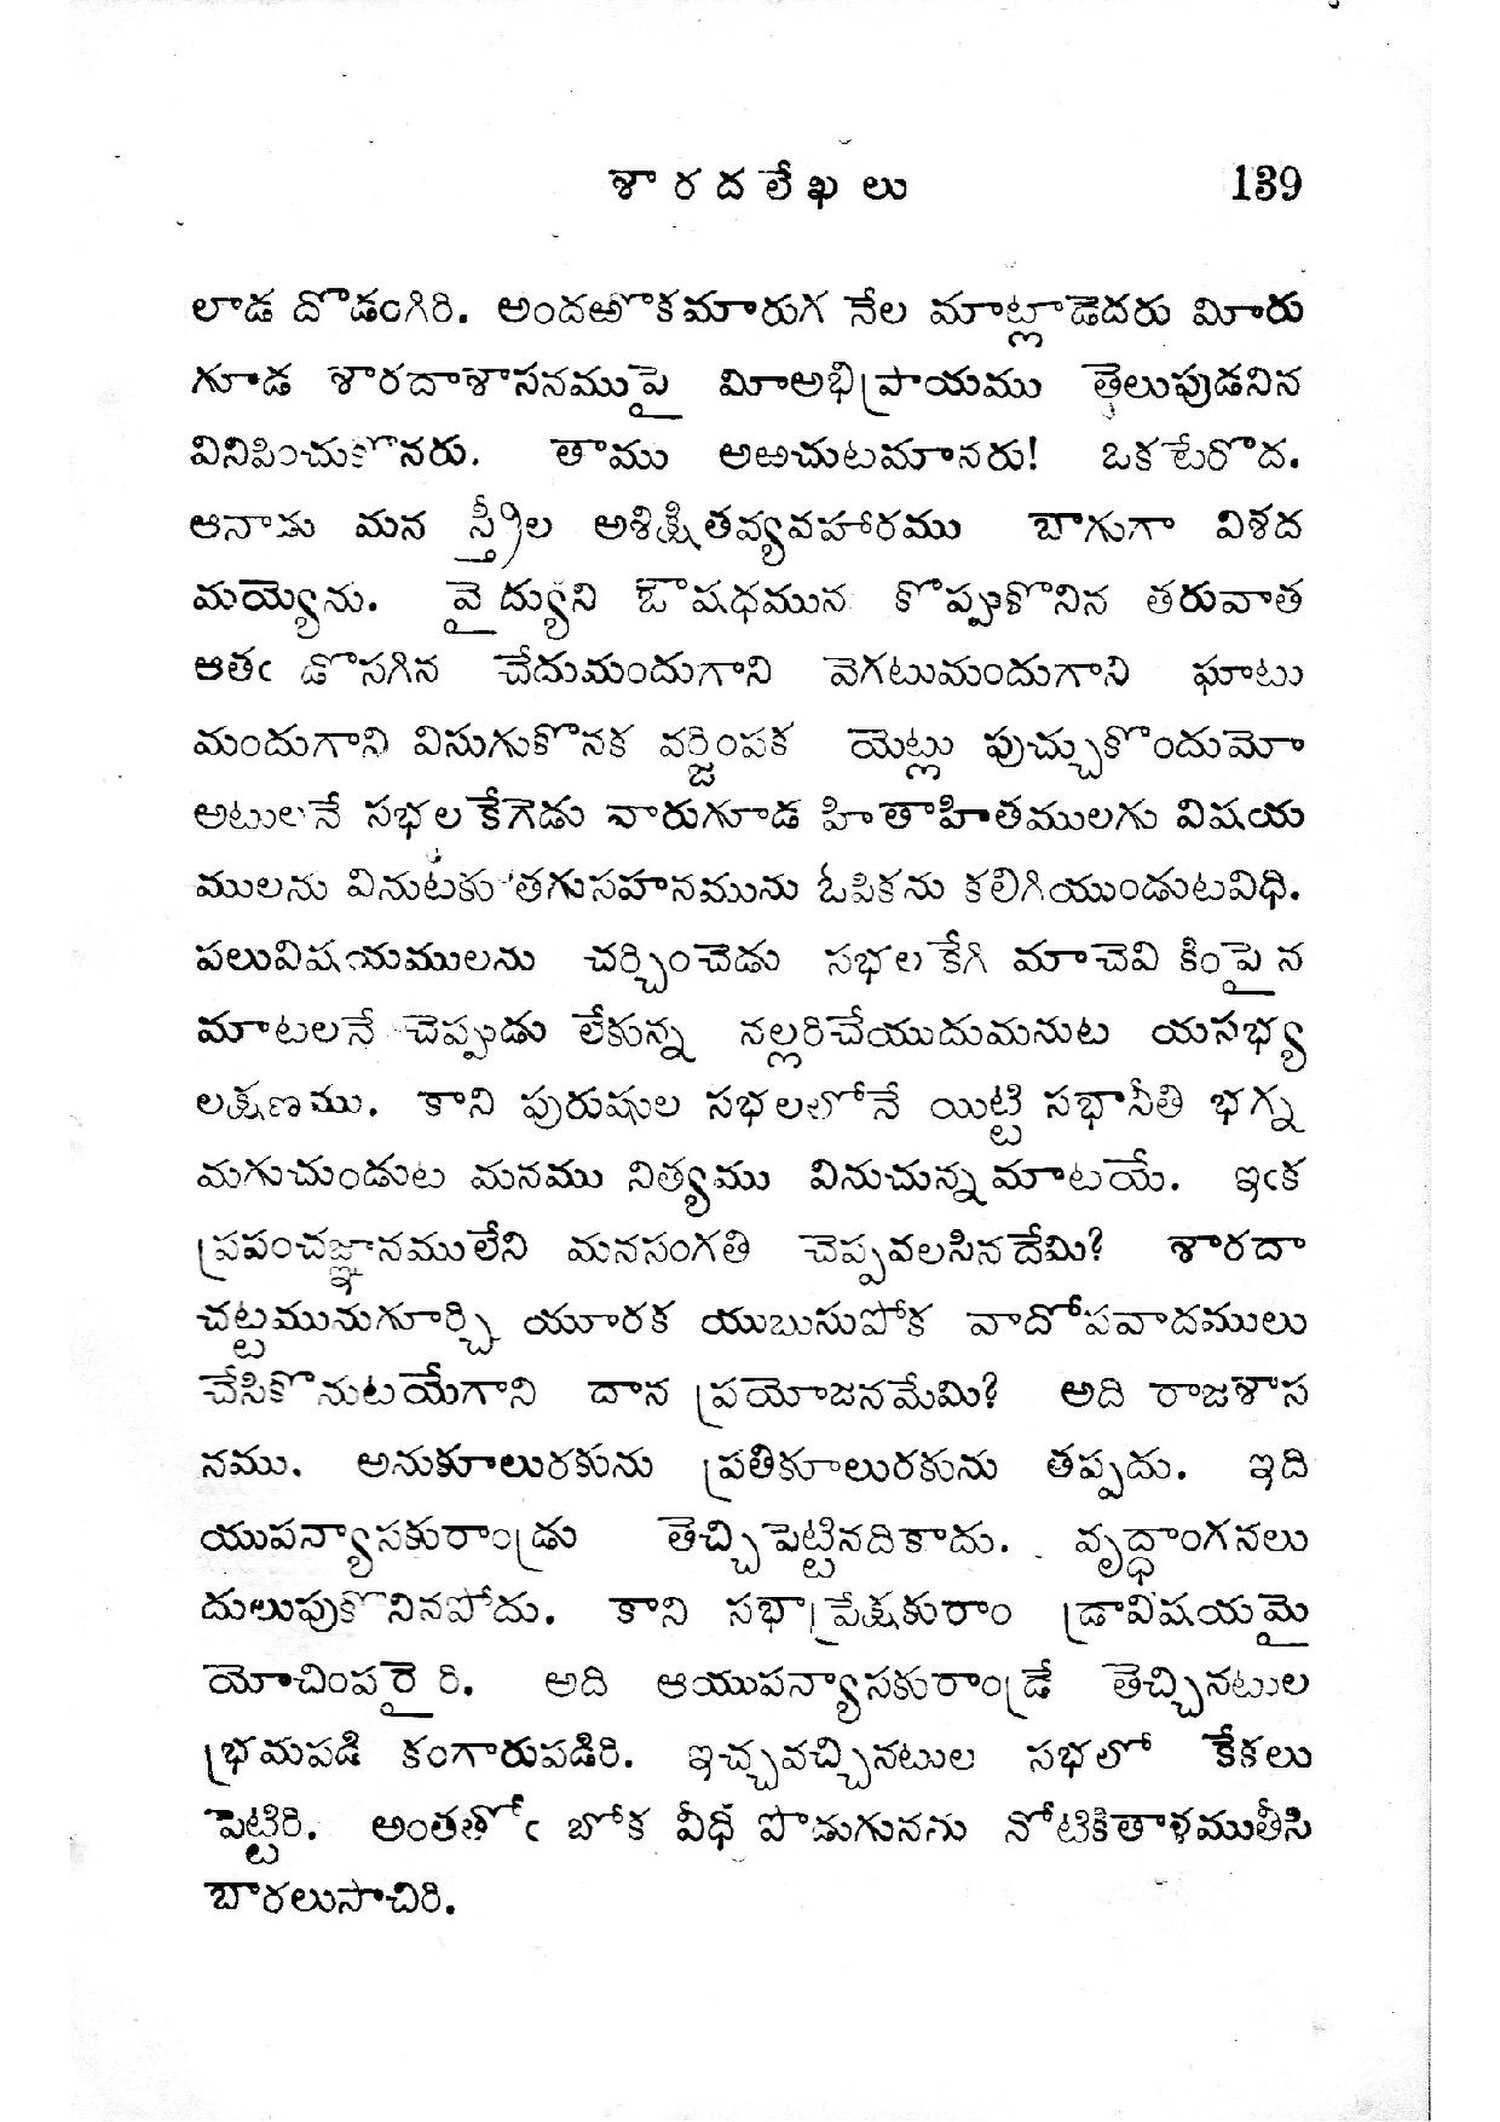లాడ దొడంగిరి. అందఱొకమారుగ నేల మాట్లాడెదరు మీరు గూడ శారదాశాసనముపై మీఅభిప్రాయము తెలుపుడనిన వినిపించుకొనరు. తాము అఱచుటమానరు! ఒకటేరొద. ఆనాడు మన స్త్రీల అశిక్షితవ్యవహారము బాగుగా విశదమయ్యెను. వైద్యుని ఔషధమున కొప్పుకొనిన తరువాత ఆతఁ డొసగిన చేదుమందుగాని వెగటుమందుగాని ఘాటుమందుగాని విసుగుకొనక వర్జింపక యెట్లు పుచ్చుకొందుమో
అటులనే సభలకేగెడు వారుగూడ హితాహితములగు విషయములను వినుటకు తగుసహనమును ఓపికను కలిగియుండుటవిధి. పలువిషయములను చర్చించెడు సభలకేగి మాచెవి కింపైన మాటలనే చెప్పుడు లేకున్న నల్లరిచేయుదుమనుట యసభ్య లక్షణము. కాని పురుషుల సభలలోనే యిట్టి సభానీతి భగ్నమగుచుండుట మనము నిత్యము వినుచున్నమాటయే. ఇఁక ప్రపంచజ్ఞానములేని మనసంగతి చెప్పవలసినదేమి? శారదా
చట్టమునుగూర్చి యూరక యుబుసుపోక వాదోపవాదములు చేసికొనుటయేగాని దాన ప్రయోజనమేమి? అది రాజశాసనము. అనుకూలురకును ప్రతికూలురకును తప్పదు. ఇది యుపన్యాసకురాండ్రు తెచ్చిపెట్టినదికాదు. వృద్ధాంగనలు దులుపుకొనినపోదు. కాని సభాప్రేక్షకురాం డ్రావిషయమై యోచింపరైరి. అది ఆయుపన్యాసకురాండ్రే తెచ్చినటుల భ్రమపడి కంగారుపడిరి. ఇచ్చవచ్చినటుల సభలో కేకలు పెట్టిరి. అంతతోఁ బోక వీధి పొడుగునను నోటికి తాళముతీసి బారలుసాచిరి.